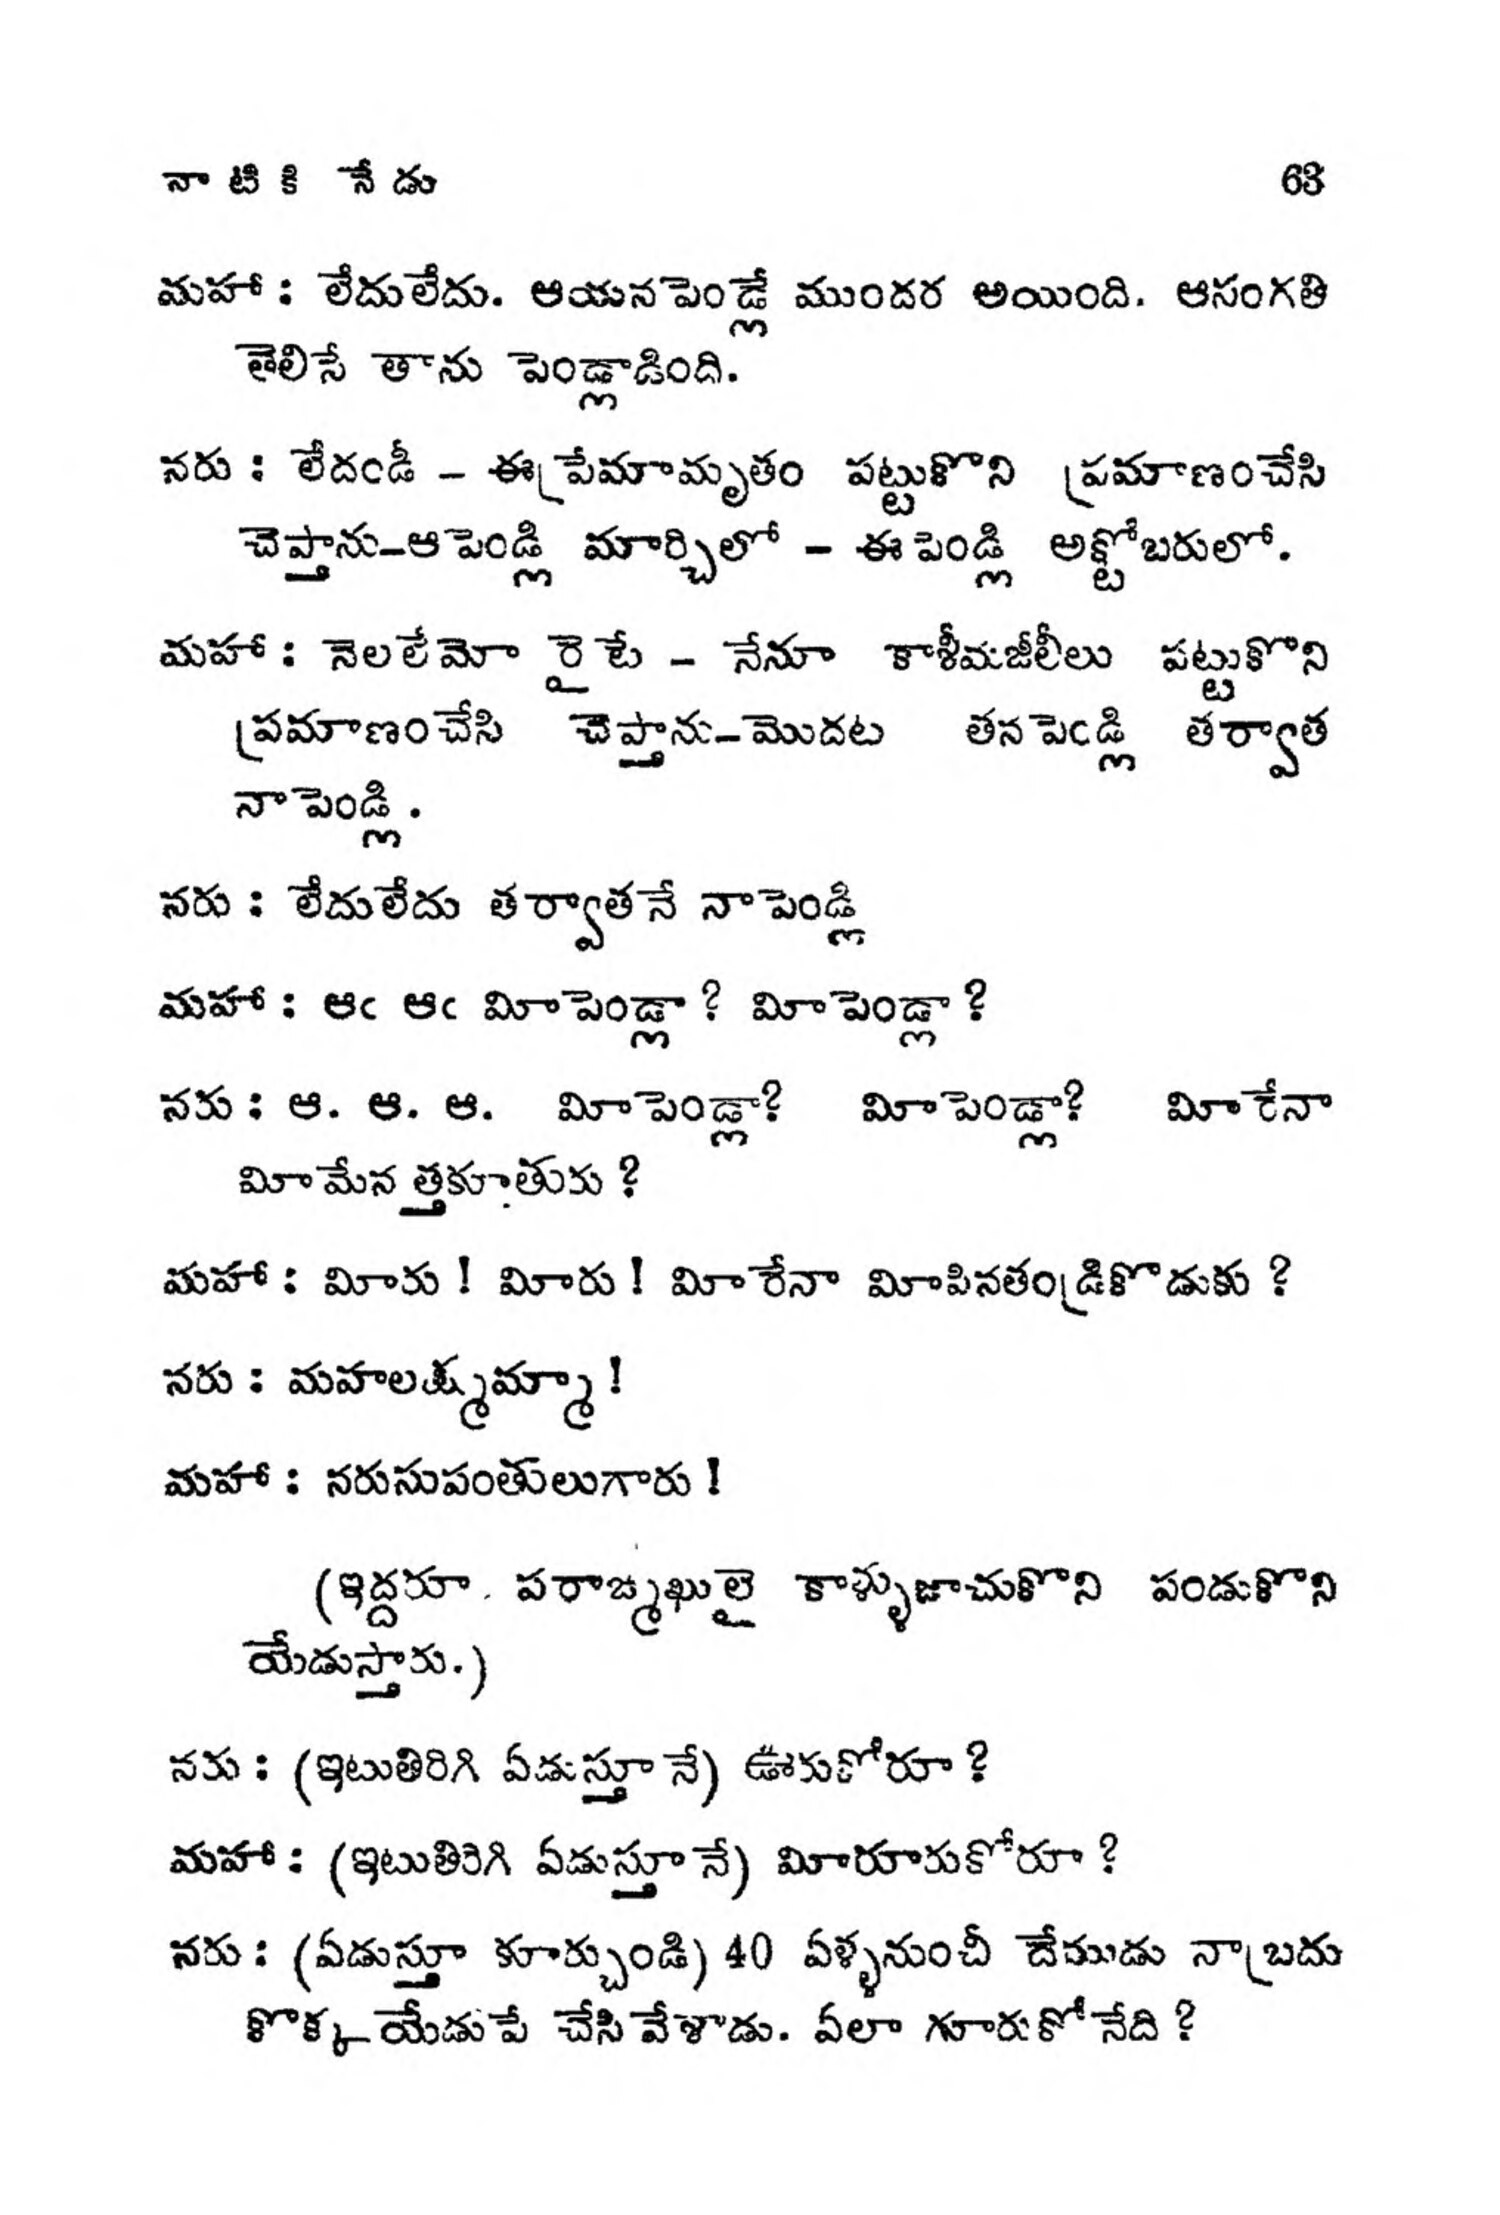మహా : లేదులేదు. ఆయనపెండ్లే ముందర అయింది. ఆసంగతి తెలిసే తాను పెండ్లాడింది.

నరు : లేదండీ – ఈప్రేమామృతం పట్టుకొని ప్రమాణంచేసి చెప్తాను - ఆపెండ్లి మార్చిలో - ఈ పెండ్లి అక్టోబరులో.

మహా : నెలలేమో రైటే - నేనూ కాశీమజీలీలు పట్టుకొని ప్రమాణంచేసి చెప్తాను- మొదట తన పెండ్లి తర్వాత నా పెండ్లి .

నరు : లేదులేదు తర్వాతనే నాపెండ్లి

మహా : ఆఁ ఆఁ మీపెండ్లా ? మీ పెండ్లా ?

నరు : ఆ. ఆ. ఆ. మీ పెండ్లా? మీ పెండ్లా? మీరేనా మీమేనత్తకూతురు ?

మహా : మీరు! మీరు! మీరేనా మీ పినతండ్రికొడుకు ?

నరు : మహలక్ష్మమ్మా!

మహా : నరుసుపంతులుగారు !

నరు : (ఇటుతిరిగి ఏడుస్తూనే) ఊరుకోరూ?

మహా : (ఇటుతిరిగి ఏడుస్తూనే) మీరూరుకోరూ?

నరు : (ఏడుస్తూ కూర్చుండి) 40 ఏళ్ళనుంచీ దేముడు నాబ్రదుకొక్క యేడుపే చేసివేశాడు. ఏలా గూరుకోనేది ?